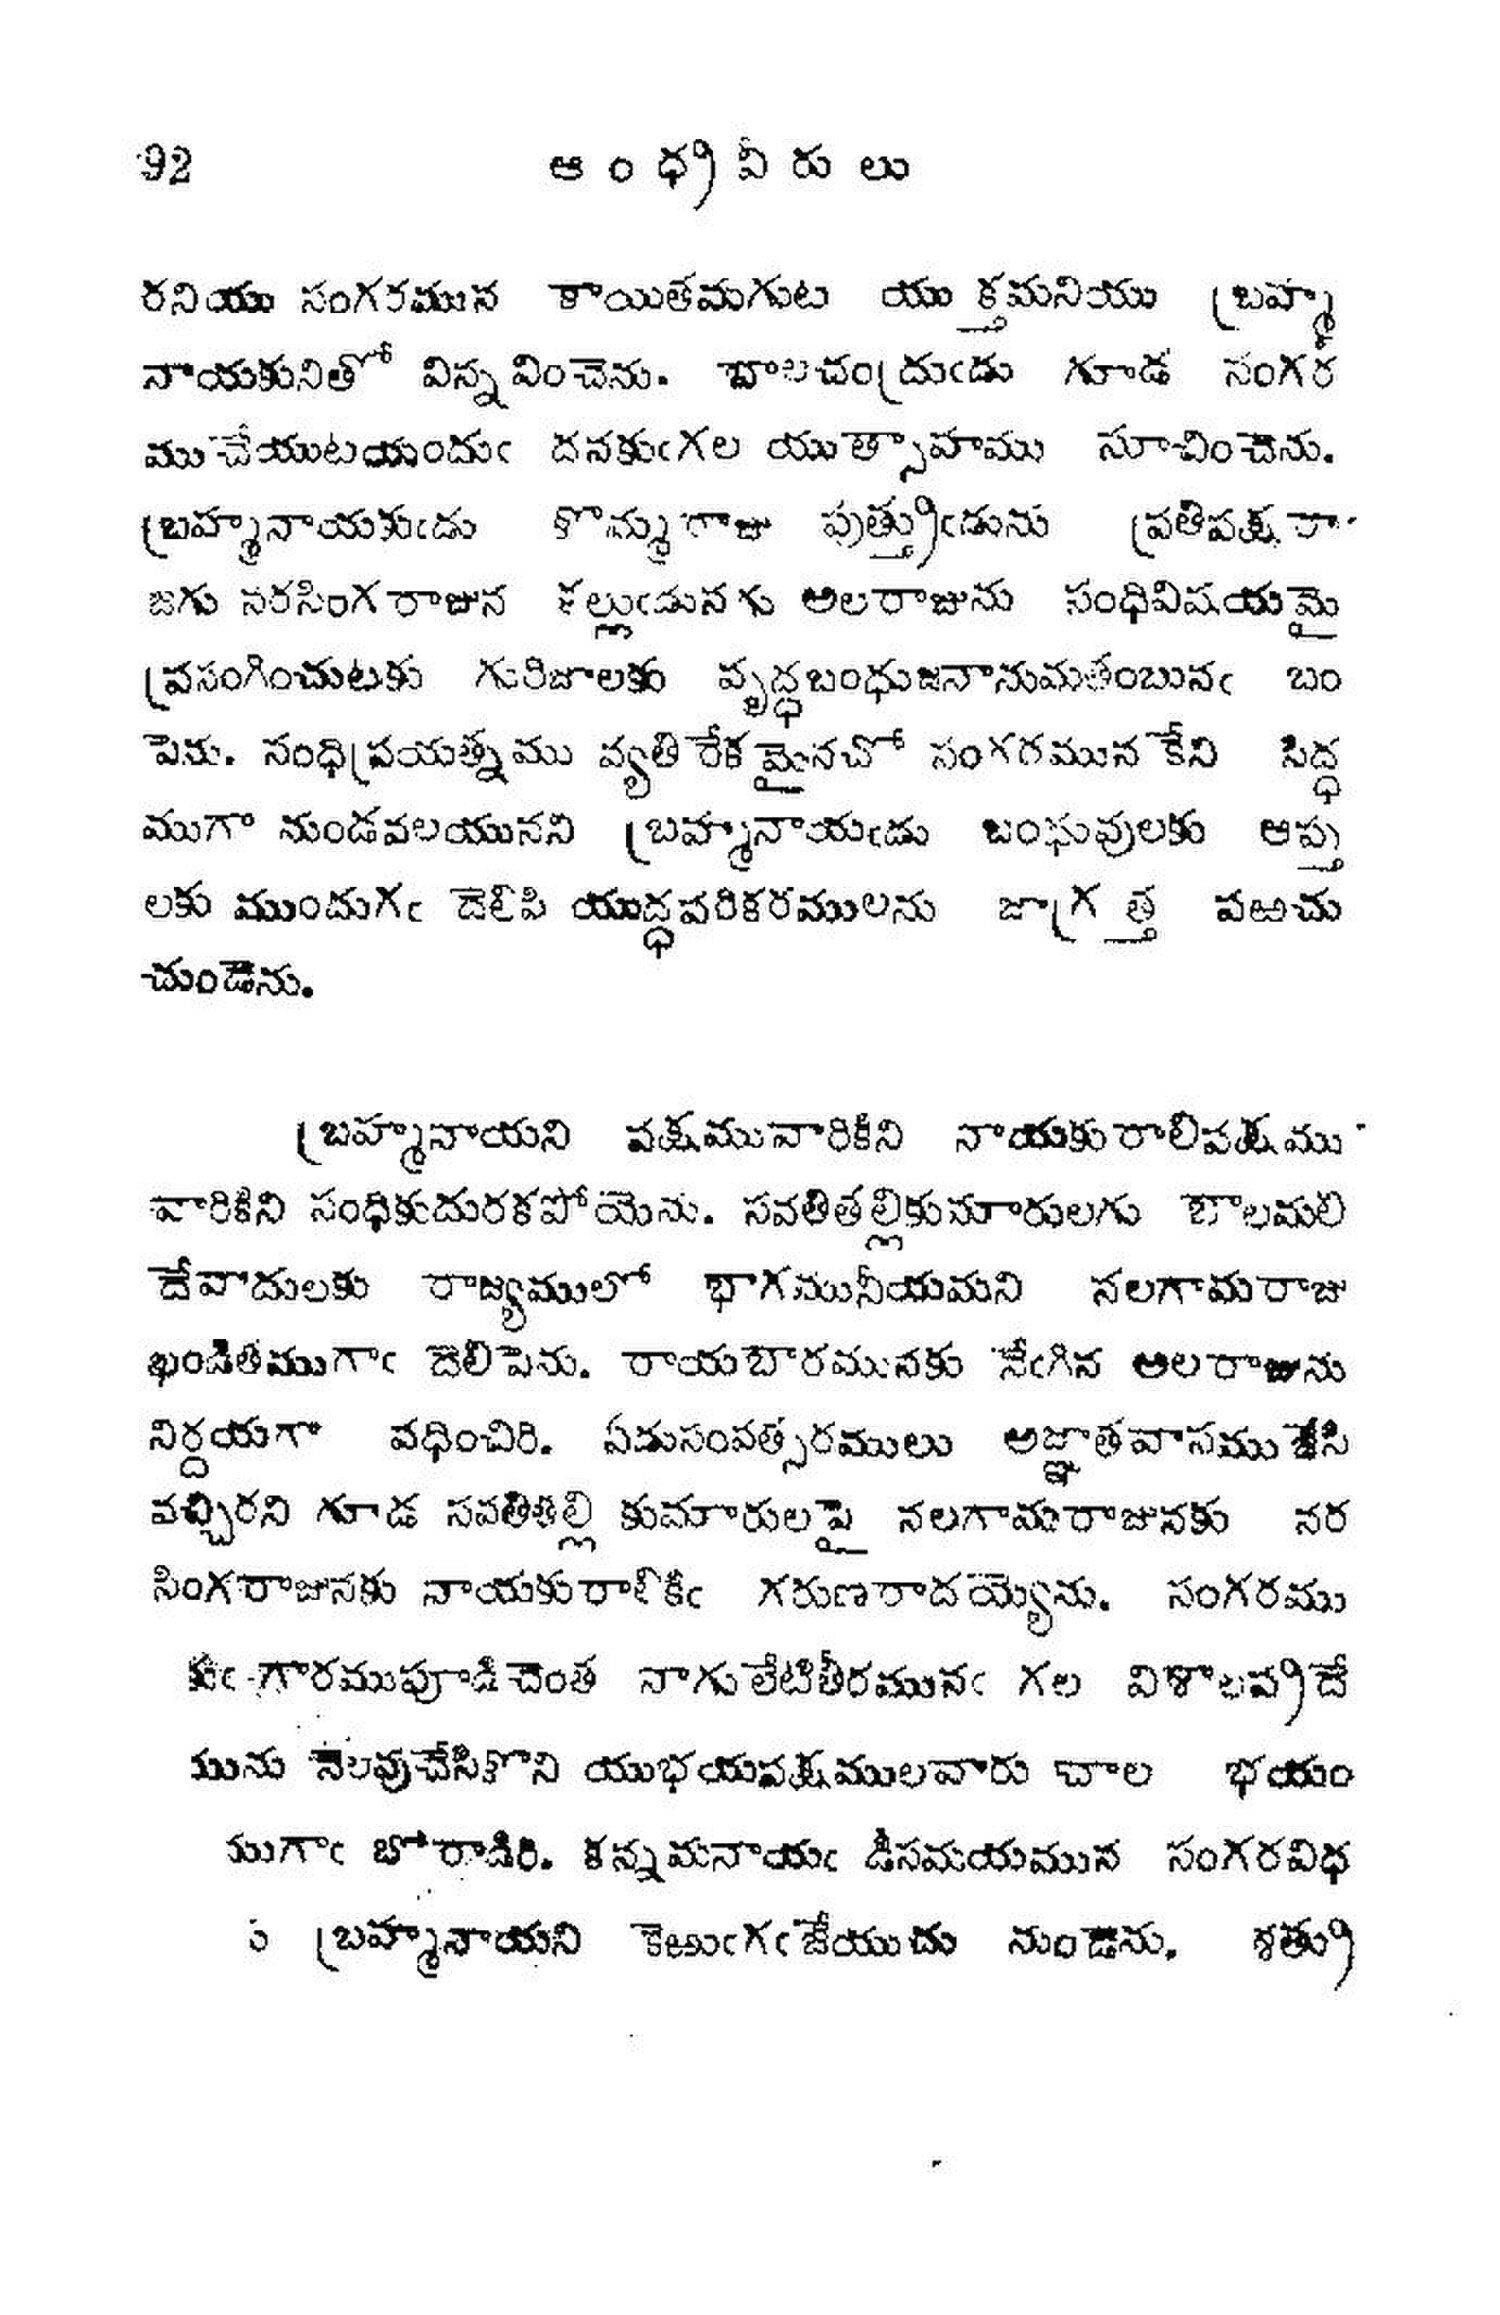రనియు సంగరమున కాయితమగుట యుక్తమనియు బ్రహ్మనాయకునితో విన్నవించెను. బాలచంద్రుడు గూడ సంగరము చేయుటయందు దనకుగల యుత్సాహము సూచించెను. బ్రహ్మనాయకుడు కొమ్మరాజు పుత్రుడును ప్రతిపక్షరాజగు నరసింగరాజున కల్లుడునగు అలరాజును సంధివిషయమై ప్రసంగించుటకు గురిజాలకు వృద్ధబంధుజనానుమతంబున బంపెను. సంధిప్రయత్నము వ్యతిరేకమైనచో సంగరమునకేని సిద్ధముగా నుండవలయునని బ్రహ్మనాయడు బంధువులకు ఆప్తులకు ముందుగ దెలిపి యుద్ధపరికరములను జాగ్రత్త పఱచు చుండెను.

బ్రహ్మనాయని పక్షమువారికిని నాయకురాలిపక్షమువారికిని సంధికుదురకపోయెను. సవతితల్లికుమారులగు బాలమలి దేవాదులకు రాజ్యములో భాగమునీయమని నలగామరాజు ఖండితముగా దెలిపెను. రాయబారమునకు నేగిన అలరాజును నిర్దయగా వధించిరి. ఏడుసంవత్సరములు అజ్ఞాతవాసముజేసి వచ్చిరని గూడ సవతితల్లి కుమారులపై నలగామరాజునకు నరసింగరాజునకు నాయకురాలికి గరుణరాదయ్యెను. సంగరమునకు గారముపూడిచెంత నాగులేటితీరమున గల విశాలప్రదేశమును నెలవుచేసికొని యుభయపక్షములవారు చాల భయంకరముగా బోరాడిరి. కన్నమనాయడు డీసమయమున సంగరవిధమును బ్రహ్మనాయని కెఱుగ జేయుచు నుండెను. శత్రు